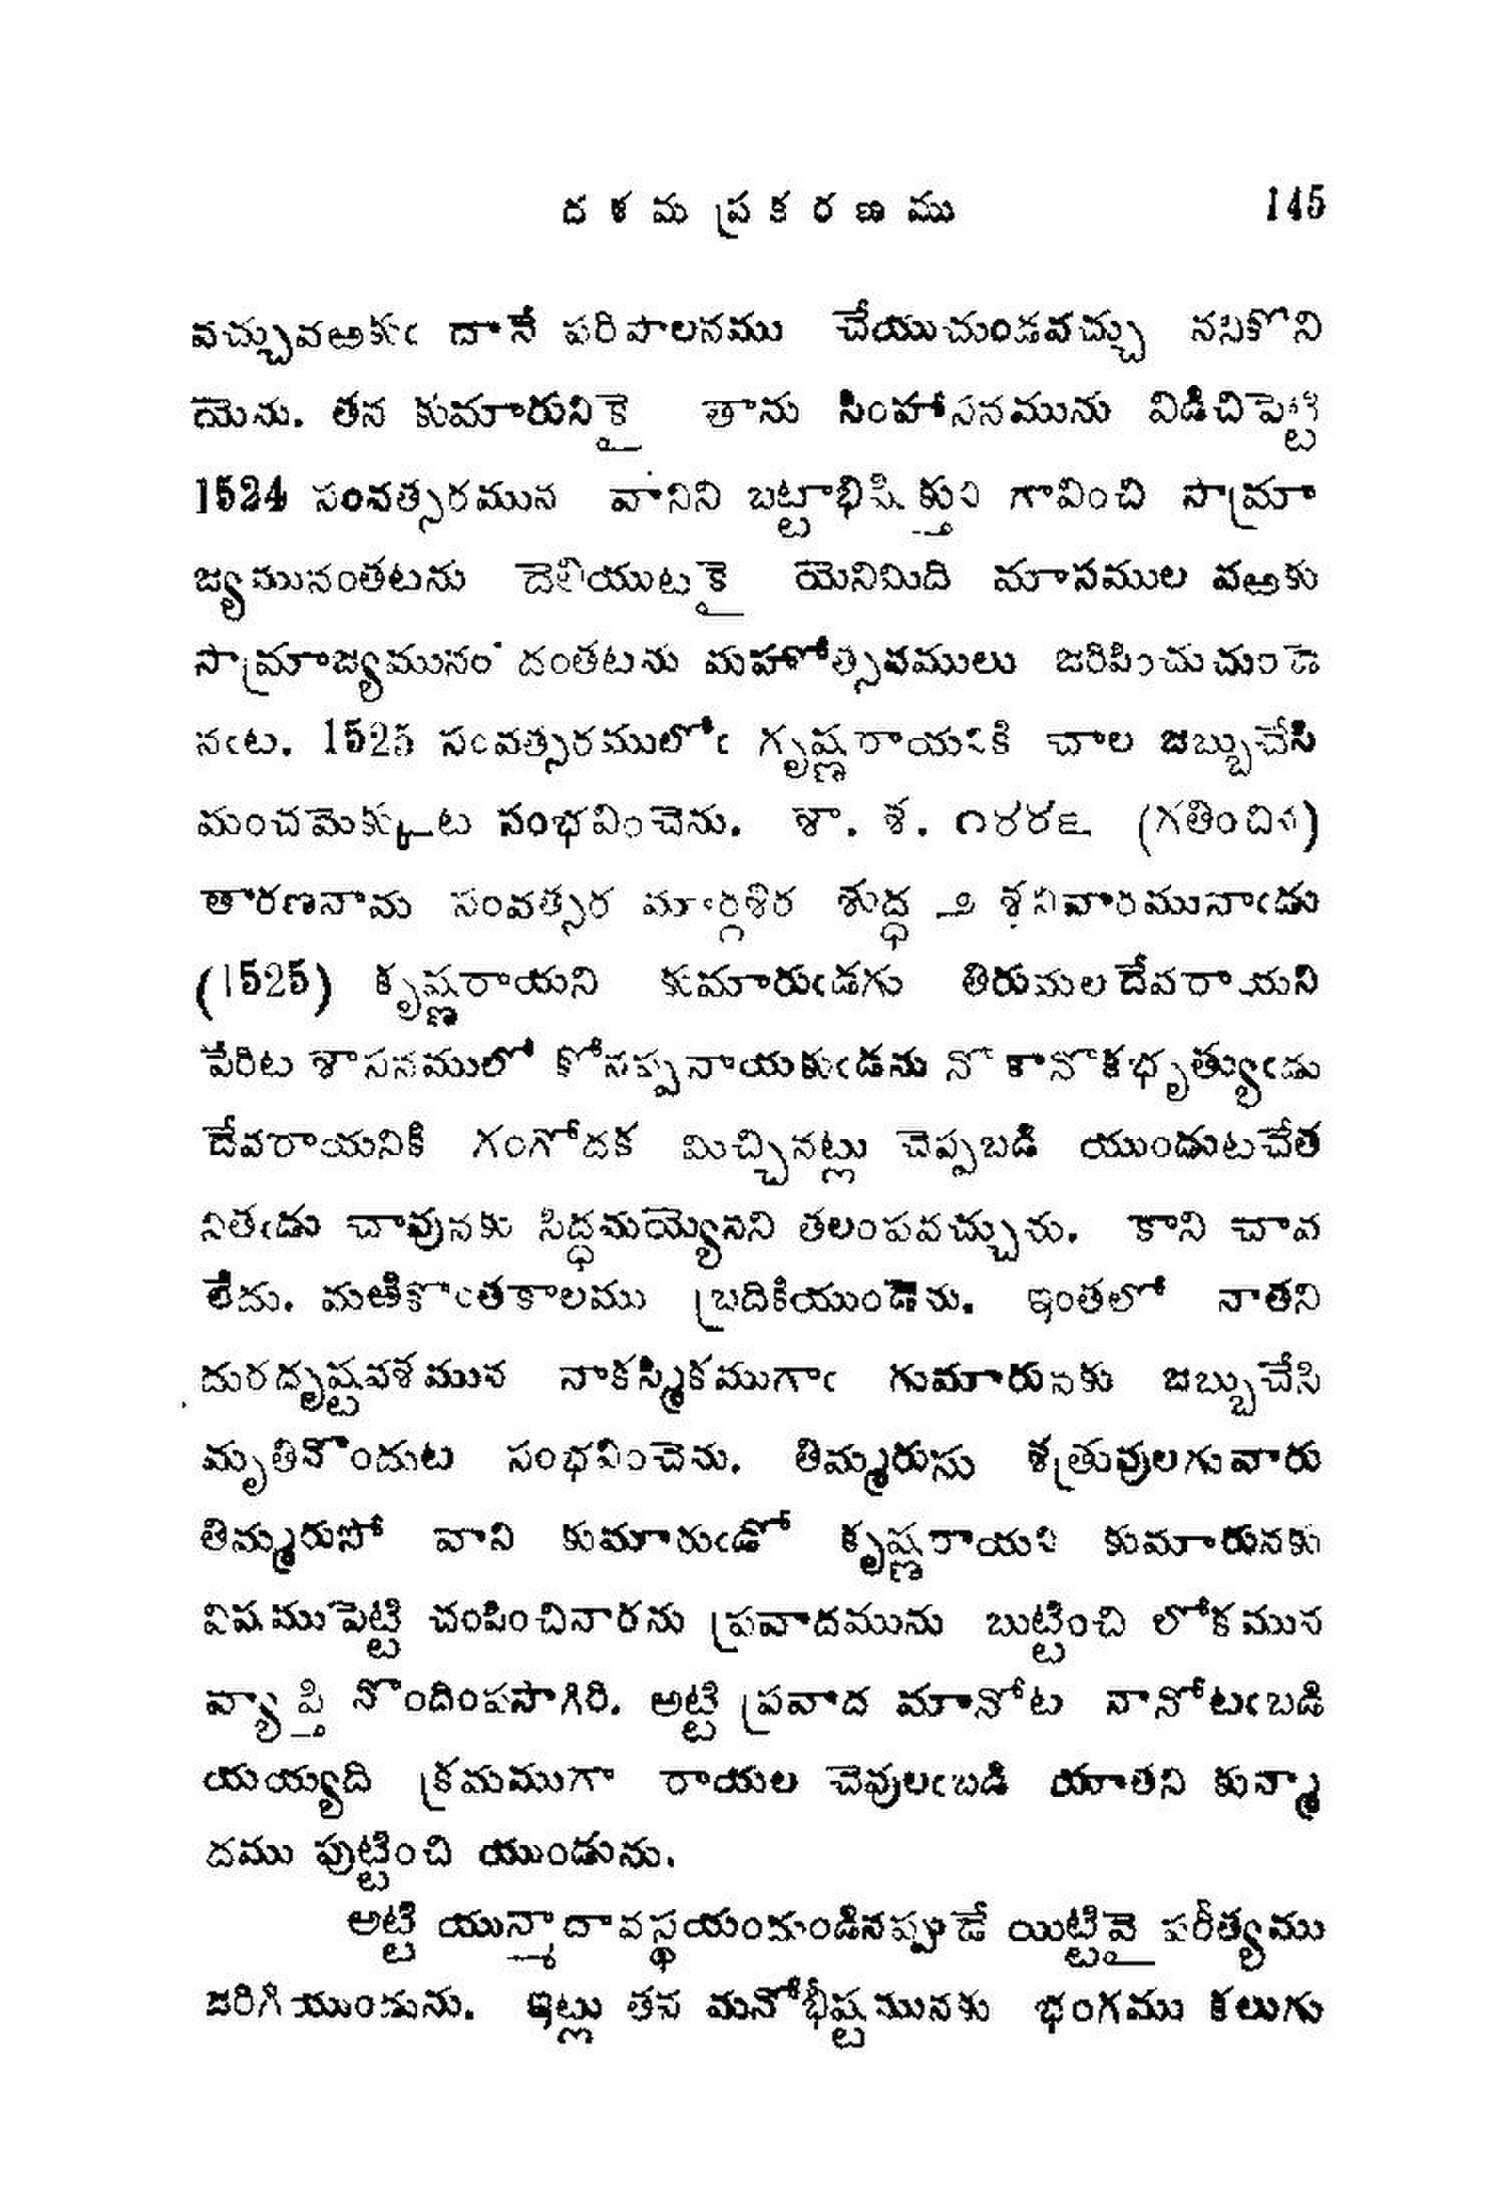వచ్చువఱకుఁ దానే పరిపాలనము చేయుచుండవచ్చు ననికొనియెను. తన కుమారునికై తాను సింహాసనమును విడిచిపెట్టి 1524 సంవత్సరమున వానిని బట్టాభిషిక్తుని గావించి సామ్రాజ్యమునంతటను దెలియుటకై యెనిమిది మాసముల వఱకు సామ్రాజ్యమునం దంతటను మహోత్సవములు జరిపించుచుండె నఁట. 1525 సంవత్సరములోఁ గృష్ణరాయనికి చాల జబ్బుచేసి మంచమెక్కుట సంభవించెను. శా. శ. 1446 (గతించిన) తారణనాను సంవత్సర మార్గశిర శుద్ద 2 శనివారమునాఁడు (1525) కృష్ణరాయని కుమారుఁడగు తిరుమలదేవరాయని పేరిట శాసనములో కోనప్పనాయకుఁడను నొకానొకభృత్యుఁడు దేవరాయనికి గంగోదక మిచ్చినట్లు చెప్పబడి యుండుటచేత నితఁడు చావునకు సిద్ధమయ్యెనని తలంపవచ్చును. కాని చావలేదు. మఱికొంతకాలము బ్రదికియుండెను. ఇంతలో నాతని దురదృష్టవశమున నాకస్మికముగాఁ గుమారునకు జబ్బుచేసి మృతినొందుట సంభవించెను. తిమ్మరుసు శత్రువులగువారు తిమ్మరుసో వాని కుమారుఁడో కృష్ణరాయని కుమారునకు విషముపెట్టి చంపించినారను ప్రవాదమును బుట్టించి లోకమున వ్యాప్తి నొందింపసాగిరి. అట్టి ప్రవాద మానోట నానోటఁబడి యయ్యది క్రమముగా రాయల చెవులఁబడి యాతని కున్మాదము పుట్టించి యుండును.

అట్టి యున్మాదావస్థయందుండినప్పుడే యిట్టివైపరీత్యము జరిగియుండును. ఇట్లు తన మనోభీష్టమునకు భంగము కలుగు